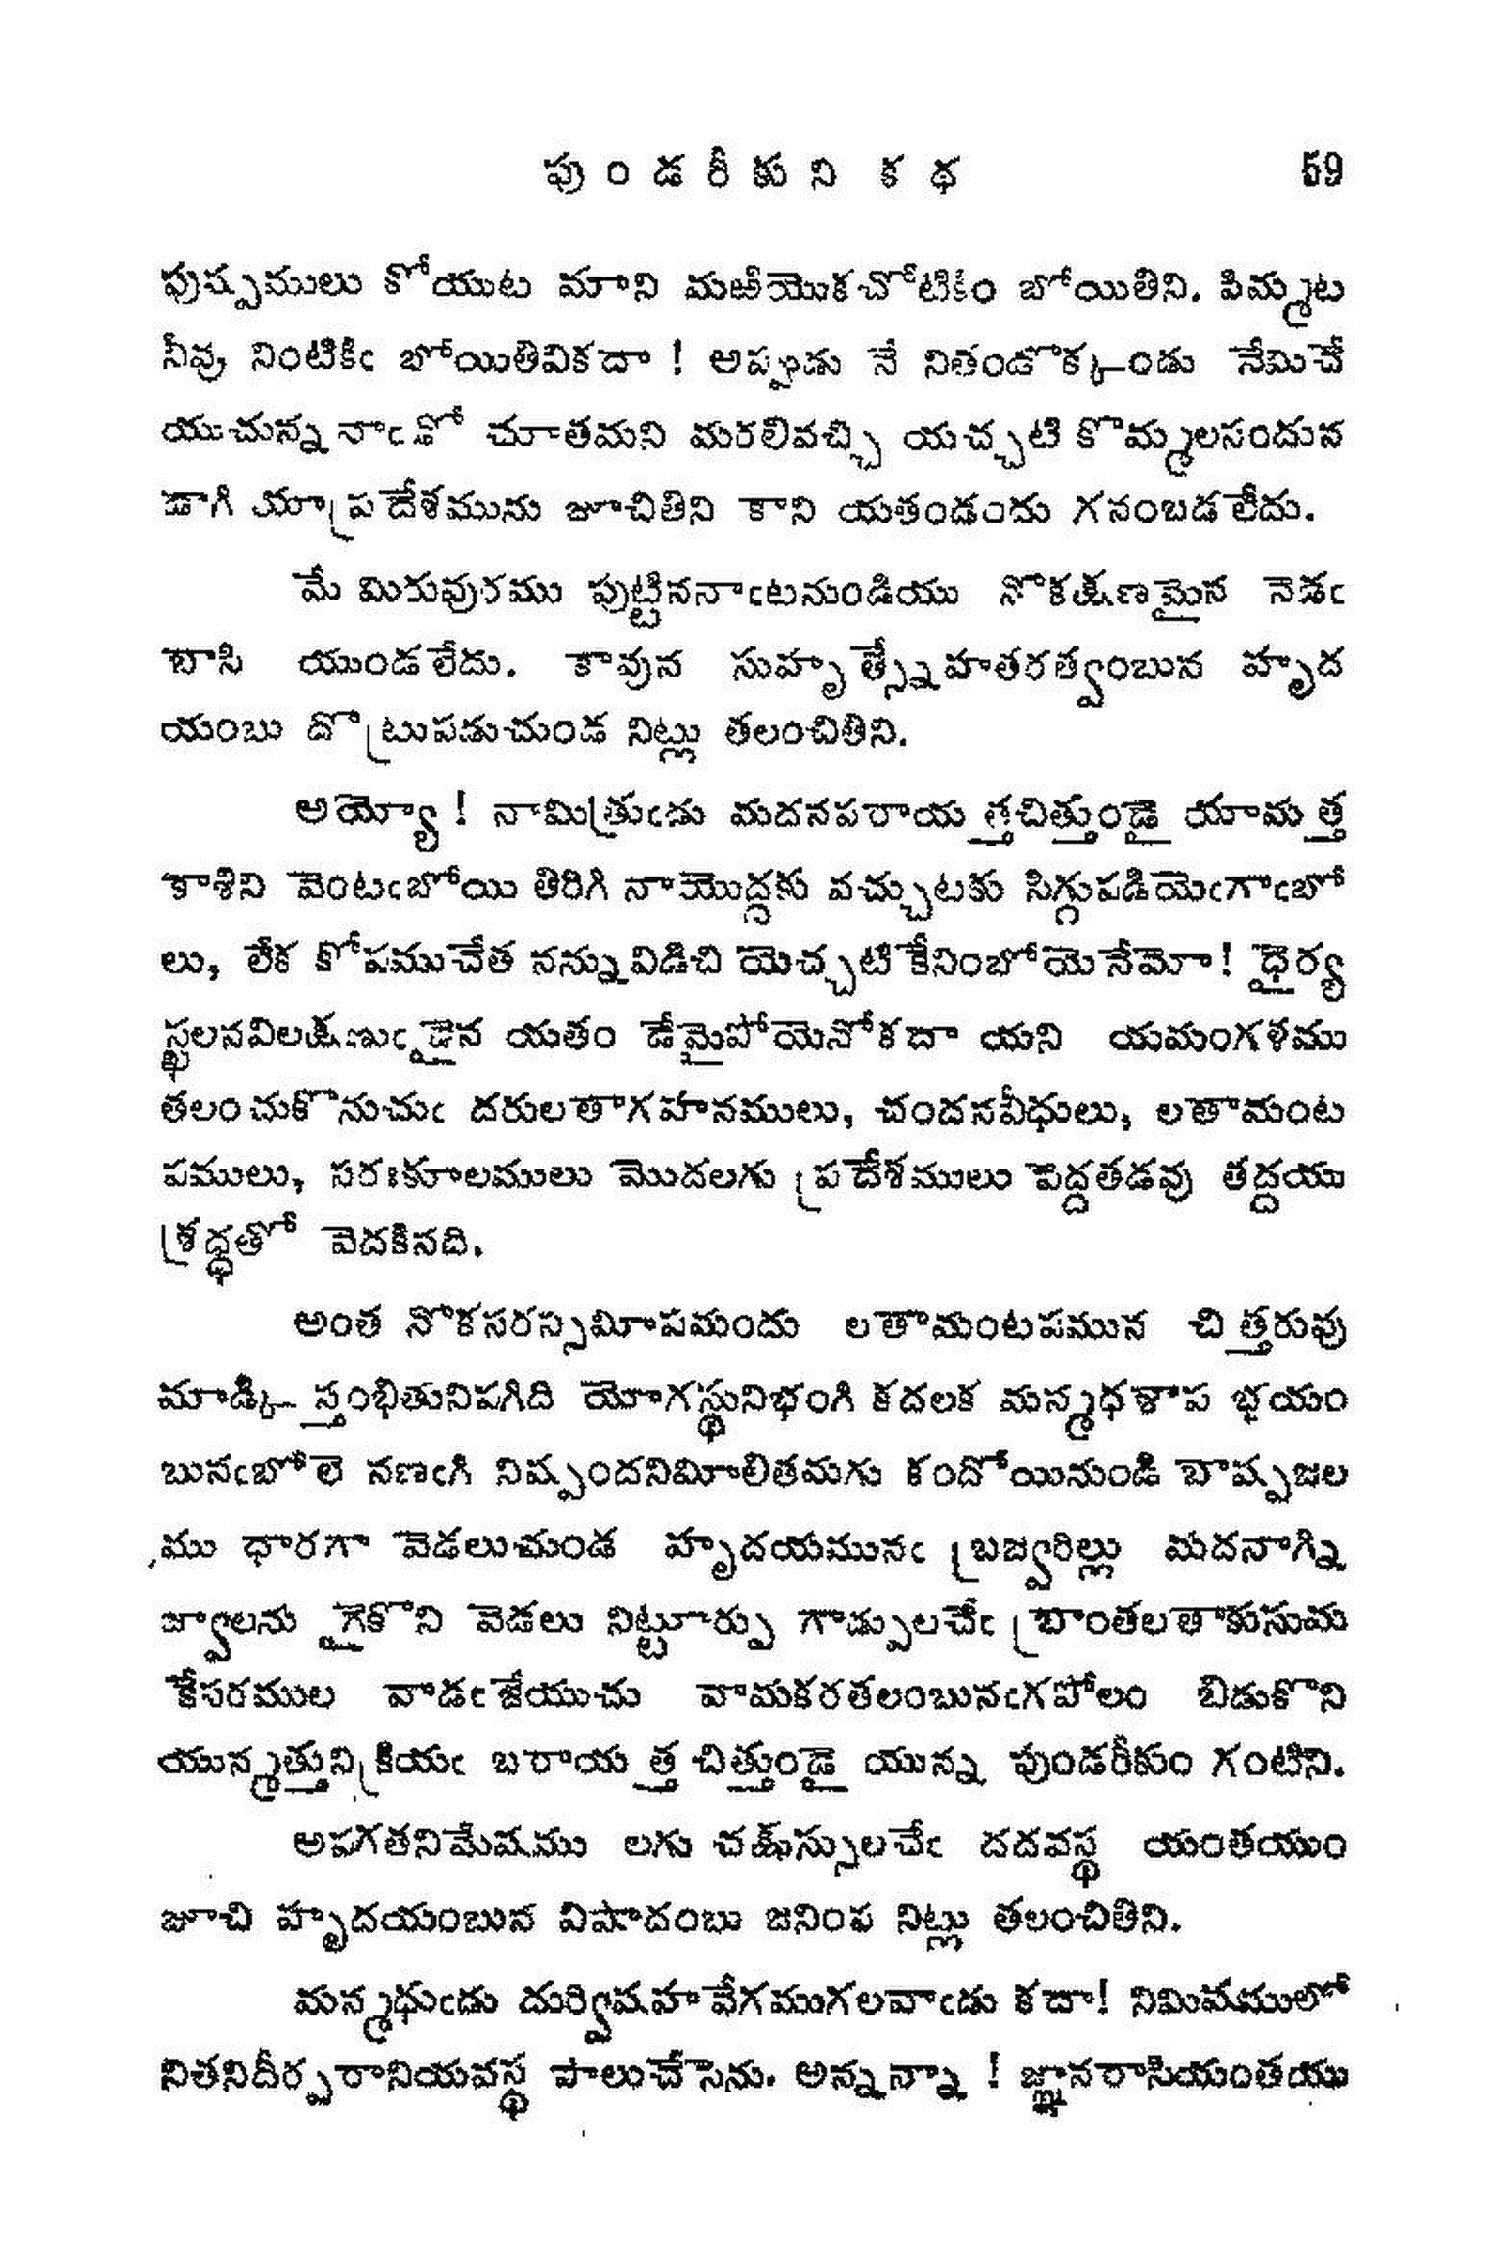పుష్పములు కోయుట మాని మఱియొకచోటికిం బోయితిని. పిమ్మట నీవు నింటికిఁ బోయితివికదా! అప్పుడు నే నితండొక్కండు నేమిచేయుచున్నవాఁడో చూతమని మరలివచ్చి యచ్చటి కొమ్మలసందున డాగి యాప్రదేశమును జూచితిని కాని యంతండందు గనంబడ లేదు.

మే మిరువురము పుట్టిననాఁటనుండియు నొకక్షణమైన నెడఁబాసి యుండలేదు. కావున సుహృత్స్నేహతరత్వంబున హృదయంబు దొట్రుపడుచుండ నిట్లు తలంచితిని.

అయ్యో! నామిత్రుఁడు మదనపరాయత్తచిత్తుండై యామత్త కాశిని వెంటఁబోయి తిరిగి నాయొద్దకు వచ్చుటకు సిగ్గుపడియెఁగాఁబోలు, లేక కోపముచేత నన్నువిడిచి యెచ్చటికేనింబోయెనేమో! ధైర్యస్ఖలనవిలక్షణుఁడైన యతం డేమైపోయెనోకదా యని యమంగళము తలంచుకొనుచుఁ దరులతాగహనములు, చందనవీధులు, లతామంటపములు, సరఃకూలములు మొదలగు ప్రదేశములు పెద్దతడవు తద్దయు శ్రద్ధతో వెదకినది.

అంత నొకసరస్సమీపమందు లతామంటపమున చిత్తరువు మాడ్కి స్తంభితునిపగిది యోగస్థునిభంగి కదలక మన్మధశాప భయంబునఁబోలె నణఁగి నిష్పందనిమీలితమగు కందోయినుండి బాష్పజలము ధారగా వెడలుచుండ హృదయమునఁ బ్రజ్వరిల్లు మదనాగ్ని జ్వాలను గైకొని వెడలు నిట్టూర్పు గాడ్పులచేఁ బ్రాంతలతాకుసుమ కేసరముల వాడఁజేయుచు వామకరతలంబునఁగపోలం బిడుకొని యున్మత్తునిక్రియఁ బరాయత్త చిత్తుండై యున్న పుండరీకుం గంటిని.

అపగతనిమేషము లగు చక్షుస్సులచేఁ దదవస్థ యంతయుం జూచి హృదయంబున విషాదంబు జనింప నిట్లు తలంచితిని.

మన్మధుఁడు దుర్విషహవేగముగలవాఁడు కదా! నిమిషములో నితనిదీర్ప రానియవస్థ పాలుచేసెను. అన్నన్నా! జ్ఞానరాసియంతయు